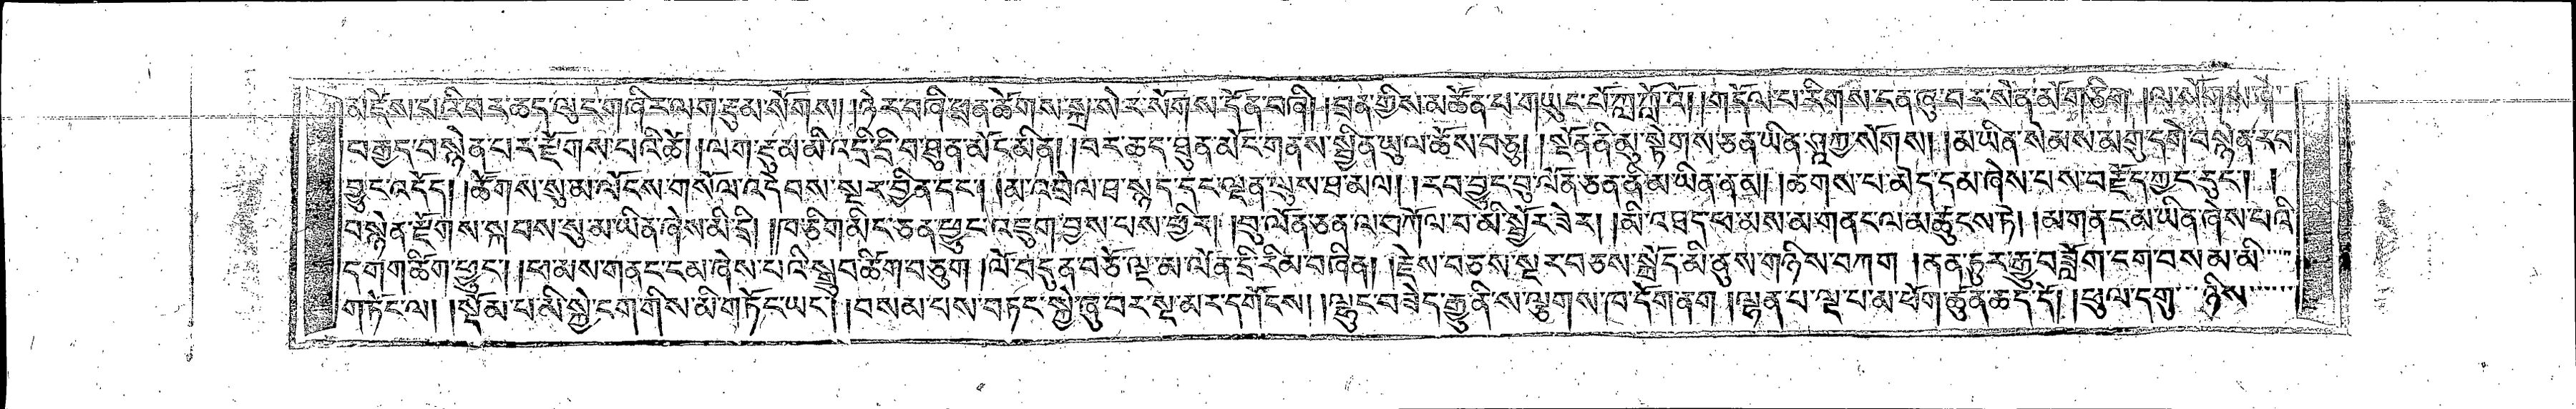མཛེས་པའི་བར་ཆད་ལུང་གཞིར་ལག་རྡུམ་སོགས། །ཉེར་བཞི་ཕྲན་ཚེགས་སྐྲ་སེར་སོགས་དོན་བཞི། །བྲན་གྱིས་མཚོན་པ་གཡུང་པོ་ཀླ་ཀློའོ། །གདོལ་པ་རིགས་ངན་ཞུ་བར་སེན་མོ་གཅིག །ལ་སོགས་ཞེ་
བརྒྱད་བསྙེན་པར་རྫོགས་པའི་ཚེ། །ལག་རྡུམ་མི་འདྲི་དྲི་བ་ཐུན་མོང་མིན། །བར་ཆད་ཐུན་མོང་གནས་སྦྱིན་ཡུལ་ཆོས་བཅུ། །སྔོན་ནི་མུ་སྟེགས་ཅན་ཡིན་ཤཱཀྱ་སོགས། །མ་ཡིན་སེམས་མགུ་དགེ་བསྙེན་རབ་
བྱུང་འདོད། །ཚོགས་སུ་མ་ལོངས་གསོལ་འདེབས་སྔར་བྱིན་དང་། །མ་འབྲེལ་ཐ་སྙད་དང་ལྡན་ལུས་ཐ་མལ། །རབ་བྱུང་བུ་ལོན་ཅན་ནི་མ་ཡིན་ནམ། །ཆགས་པ་མེད་དམ་ཞེས་པས་བརྗོད་ཀྱང་རུང་། །
བསྙེན་རྫོགས་སྐབས་སུ་མ་ཡིན་ཞེས་མི་དྲི། །ཁ་ཅིག་མིང་ཅན་ཕྱུང་འཇུག་བྱས་པས་ཕྱིར། །བུ་ལོན་ཅན་ལ་བཀོལ་བ་མི་སྦྱོར་ཟེར། །མི་འཐད་ཕ་མས་མ་གནང་ལ་མཚུངས་ཏེ། །མ་གནང་མ་ཡིན་ཞེས་པའི་
དགག་ཚིག་ཕྱུང་། །ཕ་མས་གནང་ངམ་ཞེས་པའི་སྒྲུབ་ཚིག་བཅུག །ལོ་བདུན་བཅོ་ལྔ་མ་ལོན་དྲི་རིམ་བཞིན། །རྗེས་བཅས་སྔར་བཅས་སྐྲོད་མི་ནུས་གཉིས་བཀག །ནན་ཏུར་རྒྱུ་བཟློག་ངག་བསམ་མི་
གཏོང་ལ། །སྡོམ་པ་མི་སྐྱེ་ངག་གིས་མི་གཏོང་ཡང་། །བསམ་པས་བཏང་སྐྱེ་ཞུ་བར་སྔ་མར་དགོངས། །ལྷུང་བཟེད་རྒྱུ་ནི་ས་ལྕགས་ཁ་དོག་ནག །ལྷན་པ་ལྔ་པ་མ་ཕོག་ཚུན་ཆད་དོ། །ཕུལ་དགུ་ཉིས་